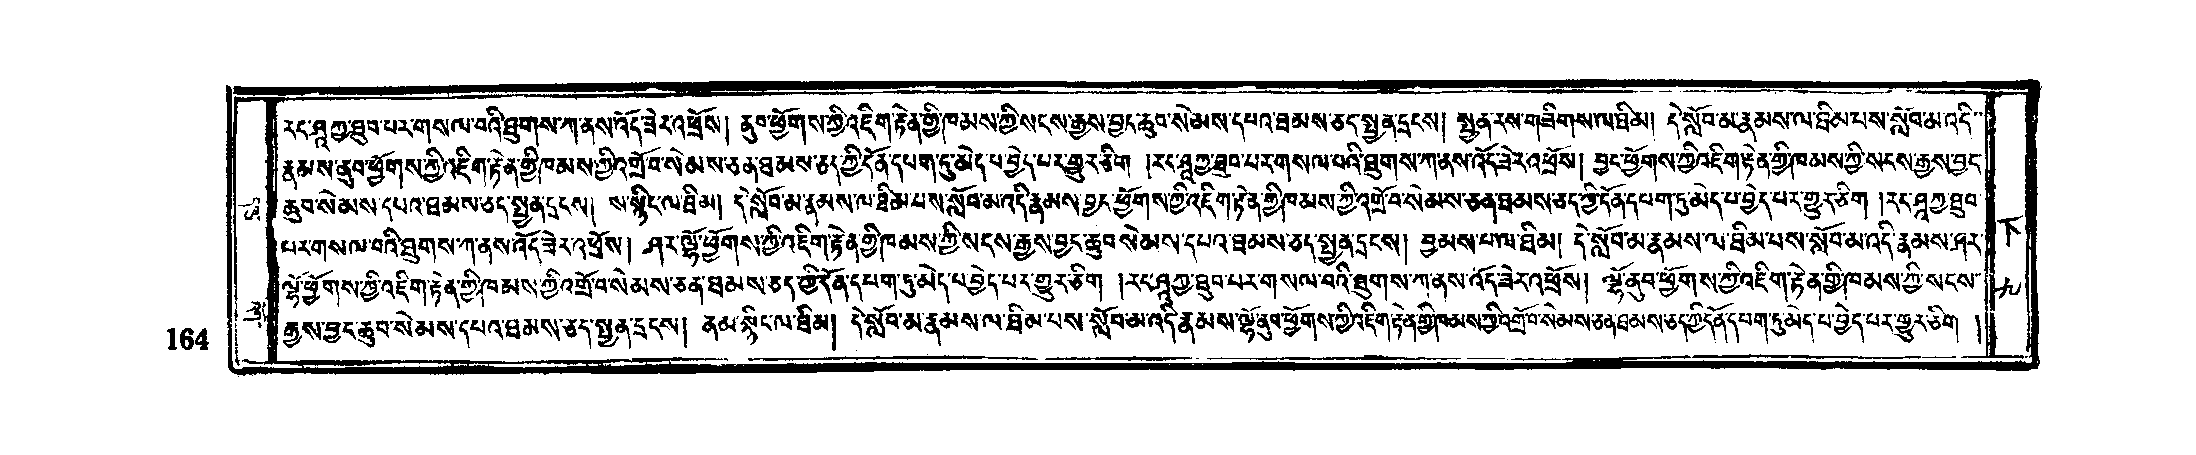རང་ཤཱཀྱ་ཐུབ་པར་གསལ་བའི་ཐུགས་ཀ་ནས་འོད་ཟེར་འཕྲོས། ནུབ་ཕྱོགས་ཀྱི་འཇིག་རྟེན་གྱི་ཁམས་ཀྱི་སངས་རྒྱས་བྱང་ཆུབ་སེམས་དཔའ་ཐམས་ཅད་སྤྱན་དྲངས། སྤྱན་རས་གཟིགས་ལ་ཐིམ། དེ་སློབ་མ་རྣམས་ལ་ཐིམ་པས་སློབ་མ་འདི་
རྣམས་ནུབ་ཕྱོགས་ཀྱི་འཇིག་རྟེན་གྱི་ཁམས་ཀྱི་འགྲོ་བ་སེམས་ཅན་ཐམས་ཅད་ཀྱི་དོན་དཔག་ཏུ་མེད་པ་བྱེད་པར་གྱུར་ཅིག །རང་ཤཱཀྱ་ཐུབ་པར་གསལ་བའི་ཐུགས་ཀ་ནས་འོད་ཟེར་འཕྲོས། བྱང་ཕྱོགས་ཀྱི་འཇིག་རྟེན་གྱི་ཁམས་ཀྱི་སངས་རྒྱས་བྱང་
ཆུབ་སེམས་དཔའ་ཐམས་ཅད་སྤྱན་དྲངས། ས་སྙིང་ལ་ཐིམ། དེ་སློབ་མ་རྣམས་ལ་ཐིམ་པས་སློབ་མ་འདི་རྣམས་བྱང་ཕྱོགས་ཀྱི་འཇིག་རྟེན་གྱི་ཁམས་ཀྱི་འགྲོ་བ་སེམས་ཅན་ཐམས་ཅད་ཀྱི་དོན་དཔག་ཏུ་མེད་པ་བྱེད་པར་གྱུར་ཅིག །རང་ཤཱཀྱ་ཐུབ་
པར་གསལ་བའི་ཐུགས་ཀ་ནས་འོད་ཟེར་འཕྲོས། ཤར་ལྷོ་ཕྱོགས་ཀྱི་འཇིག་རྟེན་གྱི་ཁམས་ཀྱི་སངས་རྒྱས་བྱང་ཆུབ་སེམས་དཔའ་ཐམས་ཅད་སྤྱན་དྲངས། བྱམས་པ་ལ་ཐིམ། དེ་སློབ་མ་རྣམས་ལ་ཐིམ་པས་སློབ་མ་འདི་རྣམས་ཤར་
ལྷོ་ཕྱོགས་ཀྱི་འཇིག་རྟེན་གྱི་ཁམས་ཀྱི་འགྲོ་བ་སེམས་ཅད་ཐམས་ཅད་ཀྱི་དོན་དཔག་ཏུ་མེད་པ་བྱེད་པར་གྱུར་ཅིག །རང་ཤཱཀྱ་ཐུབ་པར་གསལ་བའི་ཐུགས་ཀ་ནས་འོད་ཟེར་འཕྲོས། ལྷོ་ནུབ་ཕྱོགས་ཀྱི་འཇིག་རྟེན་གྱི་ཁམས་ཀྱི་སངས་
རྒྱས་བྱང་ཆུབ་སེམས་དཔའ་ཐམས་ཅད་སྤྱན་དྲངས། ནམ་སྙིང་ལ་ཐིམ། དེ་སློབ་མ་རྣམས་ལ་ཐིམ་པས་སློབ་མ་འདི་རྣམས་ལྷོ་ནུབ་ཕྱོགས་ཀྱི་འཇིག་རྟེན་གྱི་ཁམས་ཀྱི་འགྲོ་བ་སེམས་ཅད་ཐམས་ཅད་ཀྱི་དོན་དཔག་ཏུ་མེད་པ་བྱེད་པར་གྱུར་ཅིག །